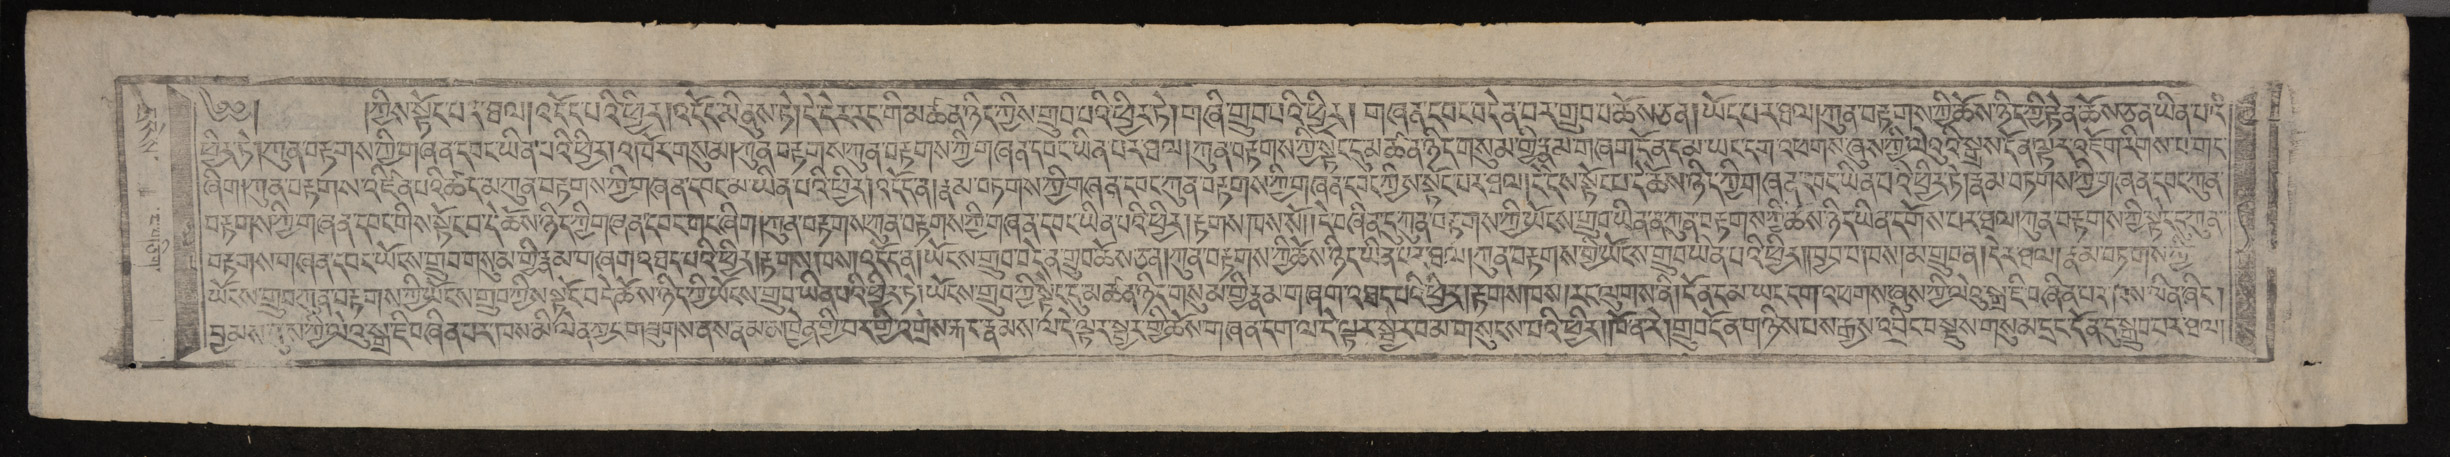༄༅། །ཀྱིས་སྟོང་པར་ཐལ། འདོད་པའི་ཕྱིར། འདོད་མི་ནུས་ཏེ། དེ་དེར་རང་གི་མཚན་ཉིད་ཀྱིས་གྲུབ་པའི་ཕྱིར་ཏེ། གཞི་གྲུབ་པའི་ཕྱིར། གཞན་དབང་བདེན་པར་གྲུབ་པ་ཆོས་ཅན། ཡོད་པར་ཐལ། ཀུན་བརྟགས་ཀྱི་ཆོས་ཉིད་ཀྱི་རྟེན་ཆོས་ཅན་ཡིན་པའི་
ཕྱིར་ཏེ། ཀུན་བརྟགས་ཀྱི་གཞན་དབང་ཡིན་པའི་ཕྱིར། འཁོར་གསུམ། ཀུན་བརྟགས་ཀུན་བརྟགས་ཀྱི་གཞན་དབང་ཡིན་པར་ཐལ། ཀུན་བརྟགས་ཀྱི་སྟེང་དུ་མཚན་ཉིད་གསུམ་གྱི་རྣམ་གཞག་དོན་དམ་ཡང་དག་འཕགས་ཞུས་ཀྱི་ལེའུའི་སྒྲས་དོན་ལྟར་འཇོག་རིགས་པ་གང་
ཞིག། ཀུན་བརྟགས་འཛིན་པའི་ཚད་མ་ཀུན་བརྟགས་ཀྱི་གཞན་དབང་མ་ཡིན་པའི་ཕྱིར། འདོད་ན། རྣམ་བཏགས་ཀྱི་གཞན་དབང་ཀུན་བརྟགས་ཀྱི་གཞན་དབང་ཀྱིས་སྟོང་པར་ཐལ། དེ་དེས་སྟོང་པ་དེ་ཆོས་ཉིད་ཀྱི་གཞན་དབང་ཡིན་པའི་ཕྱིར་ཏེ། རྣམ་བཏགས་ཀྱི་གཞན་དབང་ཀུན་
བརྟགས་ཀྱི་གཞན་དབང་གིས་སྟོང་པ་དེ་ཆོས་ཉིད་ཀྱི་གཞན་དབང་གང་ཞིག། ཀུན་བརྟགས་ཀུན་བརྟགས་ཀྱི་གཞན་དབང་ཡིན་པའི་ཕྱིར། རྟགས་ཁས་སོ། དེ་བཞིན་དུ་ཀུན་བརྟགས་ཀྱི་ཡོངས་གྲུབ་ཡིན་ན་ཀུན་བརྟགས་ཀྱི་ཆོས་ཉིད་ཡིན་དགོས་པར་ཐལ། ཀུན་བརྟགས་ཀྱི་སྟེང་དུ་ཀུན་
བརྟགས་གཞན་དབང་ཡོངས་གྲུབ་གསུམ་གྱི་རྣམ་གཞག་འཐད་པའི་ཕྱིར། རྟགས་ཁས། འདོད་ན། ཡོངས་གྲུབ་བདེན་གྲུབ་ཆོས་ཅན། ཀུན་བརྟགས་ཀྱི་ཆོས་ཉིད་ཡིན་པར་ཐལ། ཀུན་བརྟགས་ཀྱི་ཡོངས་གྲུབ་ཡིན་པའི་ཕྱིར། ཁྱབ་པ་ཁས། མ་གྲུབ་ན། དེར་ཐལ། རྣམ་བཏགས་ཀྱི་
ཡོངས་གྲུབ་ཀུན་བརྟགས་ཀྱི་ཡོངས་གྲུབ་ཀྱིས་སྟོང་པ་དེ་ཆོས་ཉིད་ཀྱི་ཡོངས་གྲུབ་ཡིན་པའི་ཕྱིར་ཏེ། ཡོངས་གྲུབ་ཀྱི་སྟེང་དུ་མཚན་ཉིད་གསུམ་གྱི་རྣམ་གཞག་འཐད་པའི་ཕྱིར། རྟགས་ཁས། རང་ལུགས་ནི། དོན་དམ་ཡང་དག་འཕགས་ཞུས་ཀྱི་ལེའུ་སྒྲ་ཇི་བཞིན་པར་ཁས་ལེན་ཞིང་།
བྱམས་ཞུས་ཀྱི་ལེའུ་སྒྲ་ཇི་བཞིན་པར་ཁས་མི་ལེན་ཀྱང་གཟུགས་ནས་རྣམ་མཁྱེན་གྱི་བར་གྱི་འགྲེས་རྐང་རྣམས་ལ་དེ་ལྟར་སྦྱར་གྱི་ཆོས་གཞན་དག་ལ་དེ་ལྟར་སྦྱར་བ་མ་གསུངས་པའི་ཕྱིར། ཁོ་ན་རེ། གྲུབ་དོན་གཉིས་པས་རྒྱས་འབྲིང་བསྡུས་གསུམ་དྲང་དོན་དུ་སྒྲུབ་པར་ཐལ།